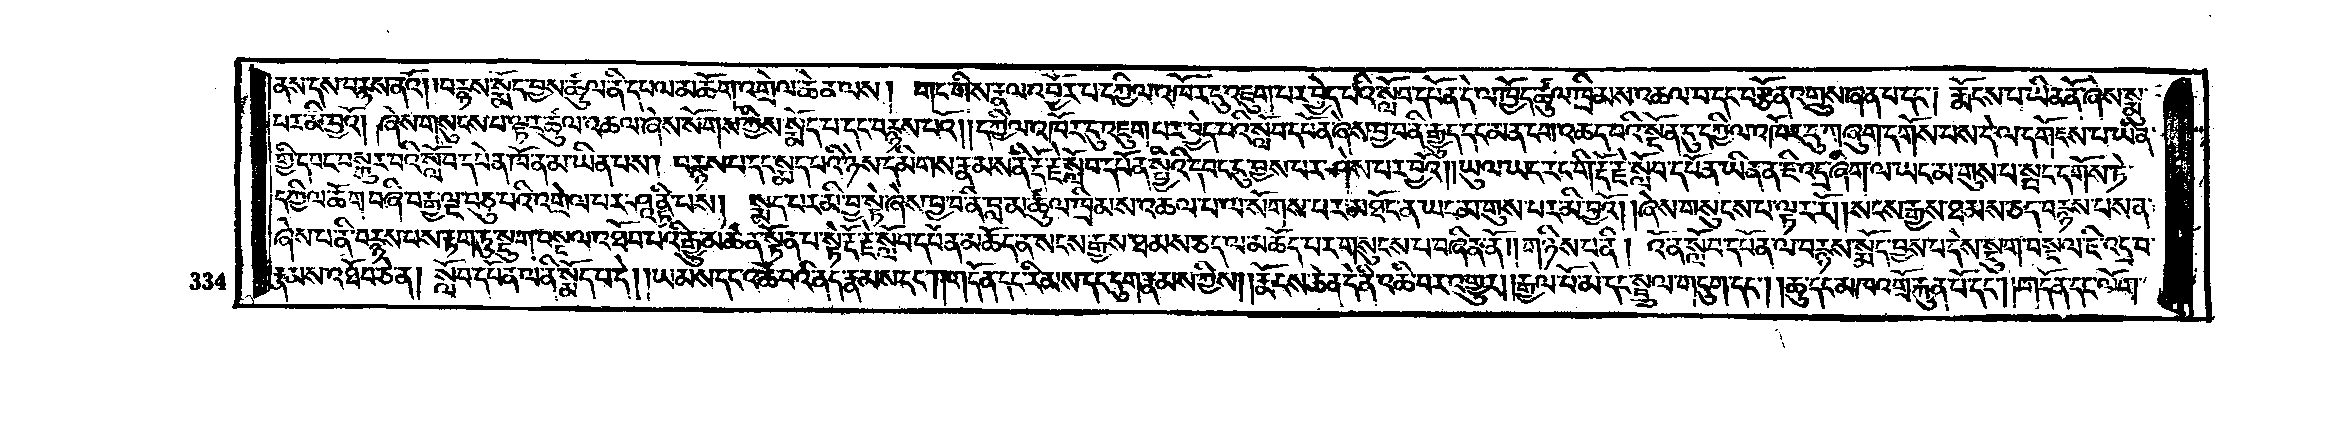ནས་དས་བརྙས་ནའོ། །བརྙས་སྨོད་བྱས་ཚུལ་ནི་དཔལ་མཆོག་འགྲེལ་ཆེན་ལས། གང་གིས་རྣལ་འབྱོར་པ་དཀྱིལ་འཁོར་དུ་འཇུག་པར་བྱེད་པའི་སློབ་དཔོན་དེ་ལ་ཁྱོད་ཚུལ་ཁྲིམས་འཆལ་བ་དང་བརྩོན་འགྲུས་ཞན་པ་དང་། རྨོངས་པ་ཡིན་ནོ་ཞེས་སྨུ་
པར་མི་བྱའོ། །ཞེས་གསུངས་པ་ལྟར་ཚུལ་འཆལ་ཞེས་སོགས་ཀྱིས་སྨོད་པ་དང་བརྙས་པའོ། །དཀྱིལ་འཁོར་དུ་འཇུག་པར་བྱེད་པའི་སློབ་དཔོན་ཞེས་བྱ་བ་ནི་རྒྱུད་དང་མན་ངག་འཆད་པའི་སྔོན་དུ་དཀྱིལ་འཁོར་དུ་གཞུག་དགོས་པས་དེ་ལ་དགོངས་པ་ཡིན་
གྱི་དབང་བསྐུར་བའི་སློབ་དཔོན་ཁོ་ན་མ་ཡིན་པས། བརྙས་པ་དང་སྨད་པའི་ཉེས་དམིགས་རྣམས་ནི་རྡོ་རྗེ་སློབ་དཔོན་སྤྱིའི་དབང་དུ་བྱས་པར་ཤེས་པར་བྱའོ། །ཡུལ་ཡང་རང་གི་རྡོ་རྗེ་སློབ་དཔོན་ཡིན་ན་ཇི་འདྲ་ཞིག་ལ་ཡང་མ་གུས་པ་སྤང་དགོས་ཏེ་
དཀྱིལ་ཆོག་བཞི་བརྒྱ་ལྔ་བཅུ་པའི་འགྲེལ་པར་ཤཱནྟི་པས། སྨད་པར་མི་བྱ་སྟེ་ཞེས་བྱ་བ་ནི་བླ་མ་ཚུལ་ཁྲིམས་འཆལ་པ་ལ་སོགས་པར་མཐོང་ན་ཡང་མ་གུས་པར་མི་བྱའོ། །ཞེས་གསུངས་པ་ལྟར་རོ། །སངས་རྒྱས་ཐམས་ཅད་བརྙས་པས་ན།
ཞེས་པ་ནི་བརྙས་པས་རྟག་ཏུ་སྡུག་བསྔལ་འཐོབ་པའི་རྒྱུ་མཚན་སྟོན་པ་སྟེ་རྡོ་རྗེ་སློབ་དཔོན་མཆོད་ན་སངས་རྒྱས་ཐམས་ཅད་ལ་མཆོད་པར་གསུངས་པ་བཞིན་ནོ། །གཉིས་པ་ནི། འོ་ན་སློབ་དཔོན་ལ་བརྙས་སྨོད་བྱས་པ་དེས་སྡུག་བསྔལ་ཇི་འདྲ་བ་
རྣམས་འཐོབ་ཅེ་ན། སློབ་དཔོན་ལ་ནི་སྨོད་པ་དེ། །ཡམས་དང་འཚོ་བའི་ནད་རྣམས་དང་། །གདོན་དང་རིམས་དང་དུག་རྣམས་ཀྱིས། །རྨོངས་ཆེན་དེ་ནི་འཆི་བར་འགྱུར། །རྒྱལ་པོ་མེ་དང་སྦྲུལ་གདུག་དང་། །ཆུ་དང་མཁའ་འགྲོ་རྐུན་པོ་དང་། །གདོན་དང་ལོག་